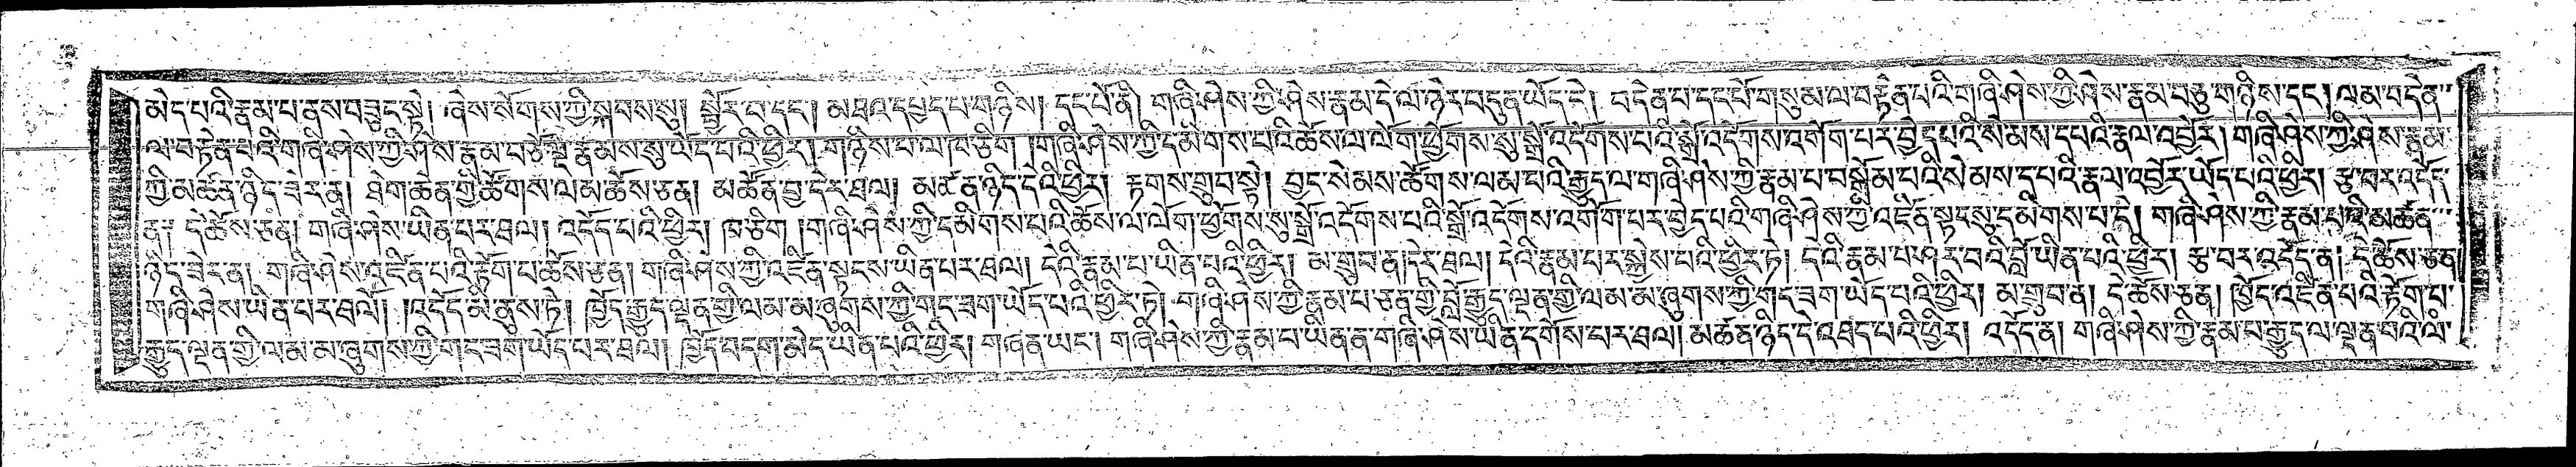མེད་པའི་རྣམ་པ་ནས་བཟུང་སྟེ། ཞེས་སོགས་ཀྱི་སྐབས་སུ། སྦྱོར་བ་དང་། མཐའ་དཔྱད་པ་གཉིས། དང་པོ་ནི། གཞི་ཤེས་ཀྱི་ཤེས་རྣམ་དེ་ལ་ཉེར་བདུན་ཡོད་དེ། བདེན་པ་དང་པོ་གསུམ་ལ་བརྟེན་པའི་གཞི་ཤེས་ཀྱི་ཤེས་རྣམ་བཅུ་གཉིས་དང་། ལམ་བདེན་
ལ་བརྟེན་པའི་གཞི་ཤེས་ཀྱི་ཤེས་རྣམ་བཅོ་ལྔ་རྣམས་སུ་ཡོད་པའི་ཕྱིར། གཉིས་པ་ལ་ཁ་ཅིག །གཞི་ཤེས་ཀྱི་དམིགས་པའི་ཆོས་ལ་ལོག་ཕྱོགས་སུ་སྒྲོ་འདོགས་པའི་སྒྲོ་འདོགས་འགོག་པར་བྱེད་པའི་སེམས་དཔའི་རྣལ་འབྱོར། གཞི་ཤེས་ཀྱི་ཤེས་རྣམ་
ཀྱི་མཚན་ཉིད་ཟེར་ན། ཐེག་ཆེན་གྱི་ཚོགས་ལམ་ཆོས་ཅན། མཚོན་བྱ་དེར་ཐལ། མཚན་ཉིད་དེའི་ཕྱིར། རྟགས་གྲུབ་སྟེ། བྱང་སེམས་ཚོགས་ལམ་པའི་རྒྱུད་ལ་གཞི་ཤེས་ཀྱི་རྣམ་པ་བསྒོམ་པའི་སེམས་དཔའི་རྣལ་འབྱོར་ཡོད་པའི་ཕྱིར། རྩ་བར་འདོད་
ན༑ དེ་ཆོས་ཅན། གཞི་ཤེས་ཡིན་པར་ཐལ། འདོད་པའི་ཕྱིར། ཁ་ཅིག །གཞི་ཤེས་ཀྱི་དམིགས་པའི་ཆོས་ལ་ལོག་ཕྱོགས་སུ་སྒྲོ་འདོགས་པའི་སྒྲོ་འདོགས་འགོག་པར་བྱེད་པའི་གཞི་ཤེས་ཀྱི་འཛིན་སྟངས་སུ་དམིགས་པ་དེ། གཞི་ཤེས་ཀྱི་རྣམ་པའི་མཚན་
ཉིད་ཟེར་ན། གཞི་ཤེས་འཛིན་པའི་རྟོག་པ་ཆོས་ཅན། གཞི་ཤེས་ཀྱི་འཛིན་སྟངས་ཡིན་པར་ཐལ། དེའི་རྣམ་པ་ཡིན་པའི་ཕྱིར། མ་གྲུབ་ན། དེར་ཐལ། དེའི་རྣམ་པར་སྐྱེས་པའི་ཕྱིར་ཏེ། དེའི་རྣམ་པ་ཤར་བའི་བློ་ཡིན་པའི་ཕྱིར། རྩ་བར་འདོད་ན། དེ་ཆོས་ཅན།
གཞི་ཤེས་ཡིན་པར་ཐལ་ལོ། །འདོད་མི་ནུས་ཏེ། ཁྱོད་རྒྱུད་ལྡན་གྱི་ལམ་མ་ཞུགས་ཀྱི་གང་ཟག་ཡོད་པའི་ཕྱིར་ཏེ། གཞི་ཤེས་ཀྱི་རྣམ་པ་ཅན་གྱི་བློ་རྒྱུད་ལྡན་གྱི་ལམ་མ་ཞུགས་ཀྱི་གང་ཟག་ཡོད་པའི་ཕྱིར། མ་གྲུབ་ན། དེ་ཆོས་ཅན། ཁྱོད་འཛིན་པའི་རྟོག་པ་
རྒྱུད་ལྡན་གྱི་ལམ་མ་ཞུགས་ཀྱི་གང་ཟག་ཡོད་པར་ཐལ། ཁྱོད་བདག་མེད་ཡིན་པའི་ཕྱིར། གཞན་ཡང་། གཞི་ཤེས་ཀྱི་རྣམ་པ་ཡིན་ན་གཞི་ཤེས་ཡིན་དགོས་པར་ཐལ། མཚན་ཉིད་དེ་འཐད་པའི་ཕྱིར། འདོད་ན། གཞི་ཤེས་ཀྱི་རྣམ་པ་རྒྱུད་ལ་ལྡན་པའི་ལམ་